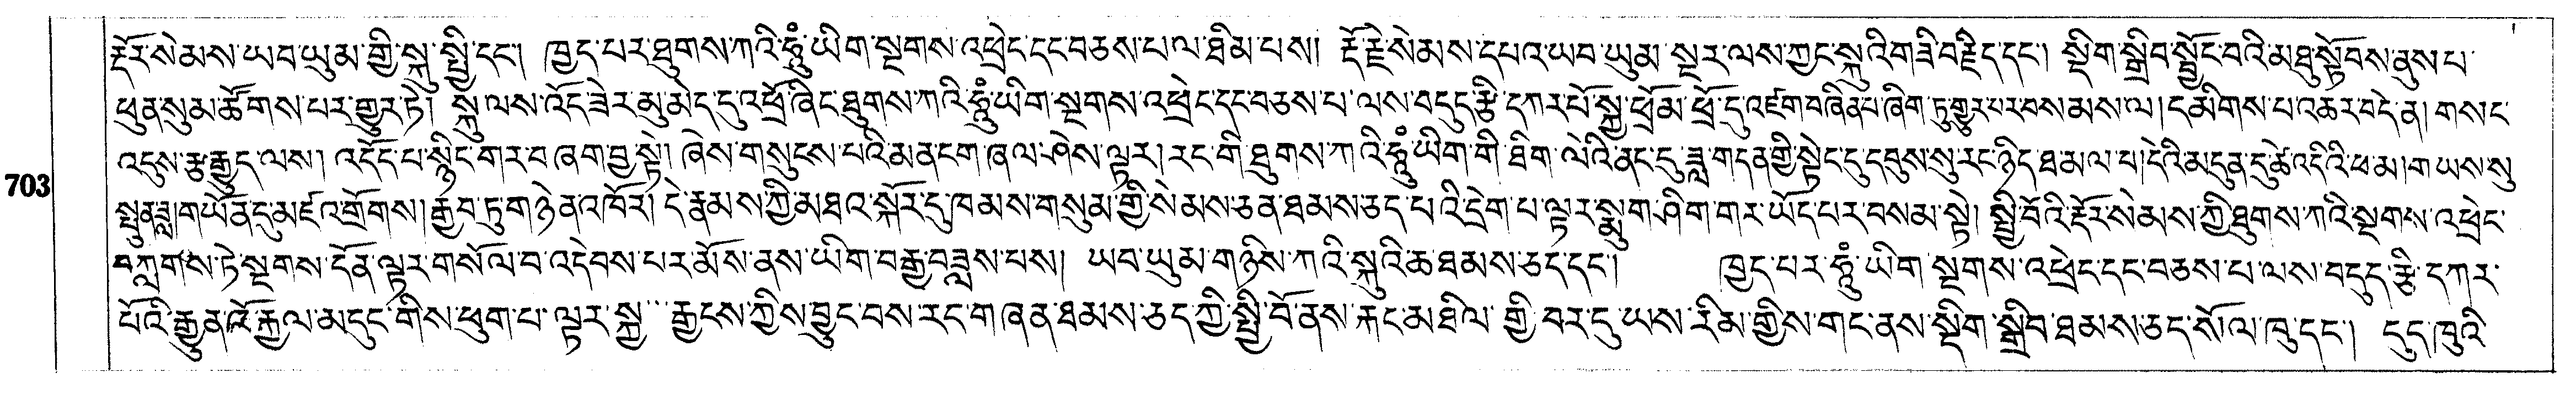རྡོར་སེམས་ཡབ་ཡུམ་གྱི་སྐུ་སྤྱི་དང་། ཁྱད་པར་ཐུགས་ཀའི་ཧཱུཾ་ཡིག་སྔགས་འཕྲེང་དང་བཅས་པ་ལ་ཐིམ་པས། རྡོ་རྗེ་སེམས་དཔའ་ཡབ་ཡུམ་སྔར་ལས་ཀྱང་སྐུའི་གཟི་བརྗིད་དང་། སྡིག་སྒྲིབ་སྦྱོང་བའི་མཐུ་སྟོབས་ནུས་པ་
ཕུན་སུམ་ཚོགས་པར་གྱུར་ཏེ། སྐུ་ལས་འོད་ཟེར་མུ་མེད་དུ་འཕྲོ་ཞིང་ཐུགས་ཀའི་ཧཱུཾ་ཡིག་སྔགས་འཕྲེང་དང་བཅས་པ་ལས་བདུད་རྩི་དཀར་པོ་སྐྱ་ཕྲོ་མ་ཕྲོ་དུ་འཛག་བཞིན་པ་ཞིག་ཏུ་གྱུར་པར་བསམས་ལ། དམིགས་པ་འཆར་བདེ་ན། གསང་
འདུས་རྩ་རྒྱུད་ལས། འདོད་པ་སྙིང་གར་བཞག་བྱ་སྟེ། ཞེས་གསུངས་པའི་མན་ངག་ཞལ་ཤེས་ལྟར། རང་གི་ཐུགས་ཀའི་ཧཱུཾ་ཡིག་གི་ཐིག་ལེའི་ནང་དུ་ཟླ་གདན་གྱི་སྟེང་དུ་དབུས་སུ་རང་ཉིད་ཐ་མལ་པ། དེའི་མདུན་དུ་ཚེ་འདིའི་ཕ་མ། གཡས་སུ་
སྤུན་ཟླ། གཡོན་དུ་མཛའ་གྲོགས། རྒྱབ་ཏུ་གཉེན་འཁོར། དེ་རྣམས་ཀྱི་མཐའ་སྐོར་དུ་ཁམས་གསུམ་གྱི་སེམས་ཅན་ཐམས་ཅད་པའི་དྲེག་པ་ལྟར་སྨུག་ཤིག་གར་ཡོད་པར་བསམ་སྟེ། སྤྱི་བོའི་རྡོར་སེམས་ཀྱི་ཐུགས་ཀའི་སྔགས་འཕྲེང་
བཀླགས་ཏེ་སྔགས་དོན་ལྟར་གསོལ་བ་འདེབས་པར་མོས་ནས་ཡིག་བརྒྱ་བཟླས་པས། ཡབ་ཡུམ་གཉིས་ཀའི་སྐུའི་ཆ་ཐམས་ཅད་དང་། ཁྱད་པར་ཧཱུཾ་ཡིག་སྔགས་འཕྲེང་དང་བཅས་པ་ལས་བདུད་རྩི་དཀར་
པོའི་རྒྱུན་འོ་རྐྱལ་མདུང་གིས་ཕུག་པ་ལྟར་སྐྱ་རྒྱངས་ཀྱིས་བྱུང་བས་རང་གཞན་ཐམས་ཅད་ཀྱི་སྤྱི་བོ་ནས་རྐང་མཐིལ་གྱི་བར་དུ་ཡས་རིམ་གྱིས་གང་ནས་སྡིག་སྒྲིབ་ཐམས་ཅད་སོལ་ཁུ་དང་། དུད་ཁུའི་